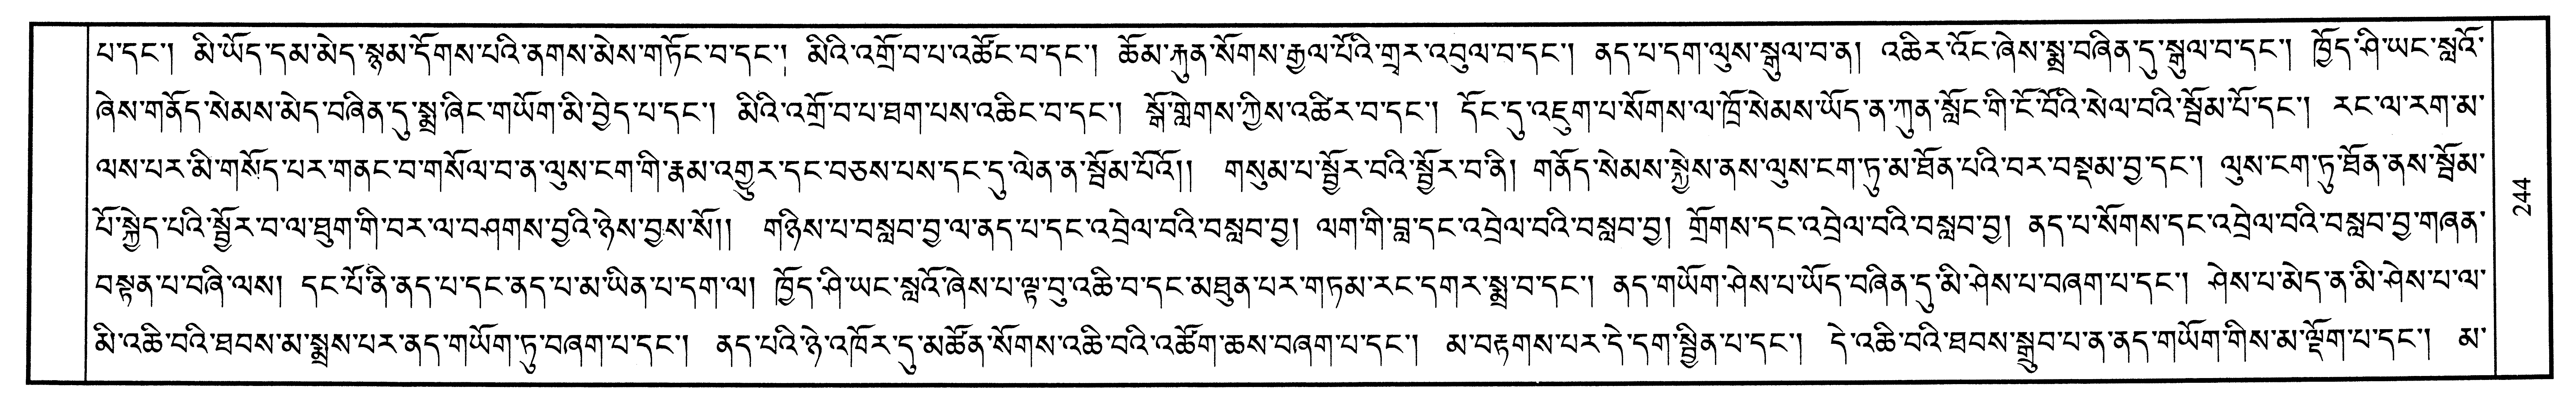པ་དང་། མི་ཡོད་དམ་མེད་སྙམ་དོགས་པའི་ནགས་མེས་གཏོང་བ་དང་། མིའི་འགྲོ་བ་པ་འཚོང་བ་དང་། ཆོམ་རྐུན་སོགས་རྒྱལ་པོའི་གྲྭར་འབུལ་བ་དང་། ནད་པ་དག་ལུས་སྒུལ་བ་ན། འཆིར་འོང་ཞེས་སྨྲ་བཞིན་དུ་སྒུལ་བ་དང་། ཁྱོད་ཤི་ཡང་སླའོ་
ཞེས་གནོད་སེམས་མེད་བཞིན་དུ་སྨྲ་ཞིང་གཡོག་མི་བྱེད་པ་དང་། མིའི་འགྲོ་བ་པ་ཐག་པས་འཆིང་བ་དང་། སྒོ་གླེགས་ཀྱིས་འཚིར་བ་དང་། དོང་དུ་འཇུག་པ་སོགས་ལ་ཁྲོ་སེམས་ཡོད་ན་ཀུན་སློང་གི་ངོ་བོའི་སེལ་བའི་སྦོམ་པོ་དང་། རང་ལ་རག་མ་
ལས་པར་མི་གསོད་པར་གནང་བ་གསོལ་བ་ན་ལུས་ངག་གི་རྣམ་འགྱུར་དང་བཅས་པས་དང་དུ་ལེན་ན་སྦོམ་པོའོ།། གསུམ་པ་སྦྱོར་བའི་སྦྱོར་བ་ནི། གནོད་སེམས་སྐྱེས་ནས་ལུས་ངག་ཏུ་མ་ཐོན་པའི་བར་བསྡམ་བྱ་དང་། ལུས་ངག་ཏུ་ཐོན་ནས་སྦོམ་
པོ་སྐྱེད་པའི་སྦྱོར་བ་ལ་ཐུག་གི་བར་ལ་བཤགས་བྱའི་ཉེས་བྱས་སོ།། གཉིས་པ་བསླབ་བྱ་ལ་ནད་པ་དང་འབྲེལ་བའི་བསླབ་བྱ། ལག་གི་བླ་དང་འབྲེལ་བའི་བསླབ་བྱ། གྲོགས་དང་འབྲེལ་བའི་བསླབ་བྱ། ནད་པ་སོགས་དང་འབྲེལ་བའི་བསླབ་བྱ་གཞན་
བསྟན་པ་བཞི་ལས། དང་པོ་ནི་ནད་པ་དང་ནད་པ་མ་ཡིན་པ་དག་ལ། ཁྱོད་ཤི་ཡང་སླའོ་ཞེས་པ་ལྟ་བུ་འཆི་བ་དང་མཐུན་པར་གཏམ་རང་དགར་སྨྲ་བ་དང་། ནད་གཡོག་ཤེས་པ་ཡོད་བཞིན་དུ་མི་ཤེས་པ་བཞག་པ་དང་། ཤེས་པ་མེད་ན་མི་ཤེས་པ་ལ་
མི་འཆི་བའི་ཐབས་མ་སྨྲས་པར་ནད་གཡོག་ཏུ་བཞག་པ་དང་། ནད་པའི་ཉེ་འཁོར་དུ་མཚོན་སོགས་འཆི་བའི་འཚོག་ཆས་བཞག་པ་དང་། མ་བརྟགས་པར་དེ་དག་སྦྱིན་པ་དང་། དེ་འཆི་བའི་ཐབས་སྒྲུབ་པ་ན་ནད་གཡོག་གིས་མ་ལྡོག་པ་དང་། མ་